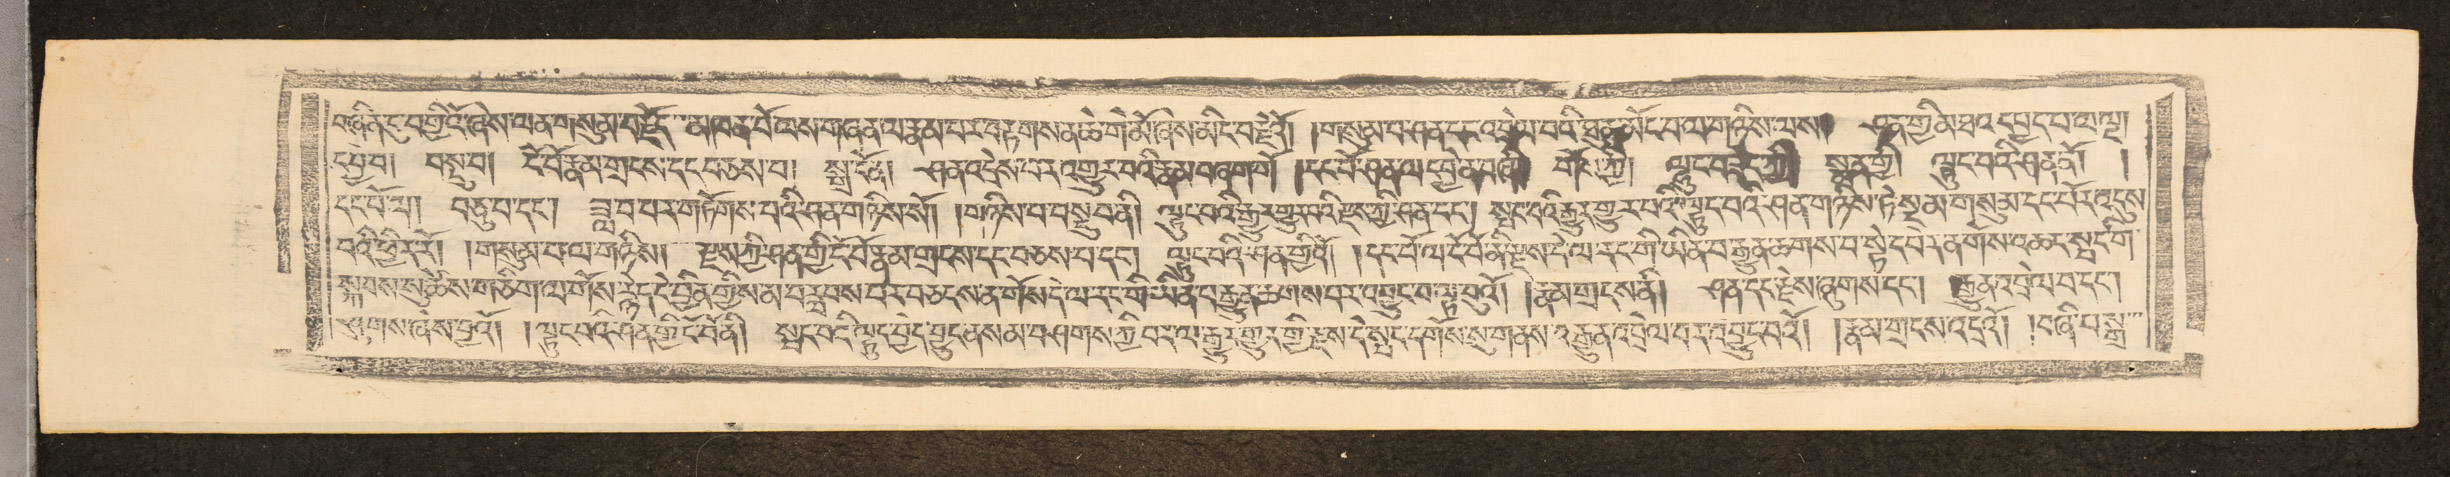བཞིན་དུ་བགྱིའོ་ཞེས་ལན་གསུམ་བརྗོད་མཁན་པོ་ལས་གཞན་ལ་རྣམ་པར་བརྟགས་ན་ཆེ་གེ་མོ་ཞེས་མིང་བརྗེའོ། །གསུམ་པ་ཤན་དང་འབྲེལ་བའི་ཐུན་མོང་བ་ལ་གཉིས་ལས། ཤན་གྱི་མཐའ་དཔྱད་པ་ལ་ལྔ།
དབྱེ་བ། བསྡུ་བ། ངོ་བོ་རྣམ་གྲངས་དང་བཅས་པ། སྒྲ་དོན། ཤན་འདྲེས་པར་འགྱུར་བའི་རྣམ་བཞག་གོ །དང་པོ་ཤན་ལ་དབྱེ་ན་བཞི། གོས་ཀྱི། ལྷུང་བཟེད་ཀྱི། སྨན་གྱི། ལྟུང་བའི་ཤན་ནོ། །
དང་པོ་ལ། བཅུ་པ་དང་། ཟླ་བ་པར་གཏོགས་པའི་ཤན་གཉིས་སོ། །གཉིས་པ་བསྡུ་བ་ནི། ལྟུང་བའི་རྒྱུར་གྱུར་བའི་རྫས་ཀྱི་ཤན་དང་། སྤང་བའི་རྒྱུར་གྱུར་བའི་ལྟུང་བའི་ཤན་གཉིས་ཏེ་སྔ་མ་གསུམ་དང་པོར་འདུས་
པའི་ཕྱིར་རོ། །གསུམ་པ་ལ་གཉིས། རྫས་ཀྱི་ཤན་གྱི་ངོ་བོ་རྣམ་གྲངས་དང་བཅས་པ་དང་། ལྟུང་བའི་ཤན་གྱིའོ། །དང་པོ་ལ་ངོ་བོ་ནི་རྫས་དེ་ལ་རང་གི་ཡིན་པ་རྒྱུན་ཆགས་པ་སྟེ་དཔེར་ན་གོས་འཆད་སྤང་གི་
སྐབས་སུ་ཚེས་གཅིག་ལ་གོས་རྙེད་དེ་བྱིན་གྱིས་མ་བརླབས་པར་བཅངས་ན་གོས་དེ་ལ་རང་གི་ཡིན་པ་རྒྱུན་ཆགས་པར་འབྱུང་བ་ལྟ་བུའོ། །རྣམ་གྲངས་ནི། ཤན་དང་རྗེས་ཞུགས་དང་། རྒྱུན་འབྲེལ་བ་དང་།
ཤུགས་ཞེས་བྱའོ། །ལྟུང་བའི་ཤན་གྱི་ངོ་བོ་ནི། སྤང་བའི་ལྟུང་བྱེད་བྱུང་ནས་མ་བཤགས་ཀྱི་བར་ལ་རྒྱུར་གྱུར་གྱི་རྫས་དེ་སྤང་དགོས་སུ་གནས་པ་རྒྱུན་འབྲེལ་བར་འབྱུང་བའོ། །རྣམ་གྲངས་འདྲའོ། །བཞི་པ་སྒྲ་